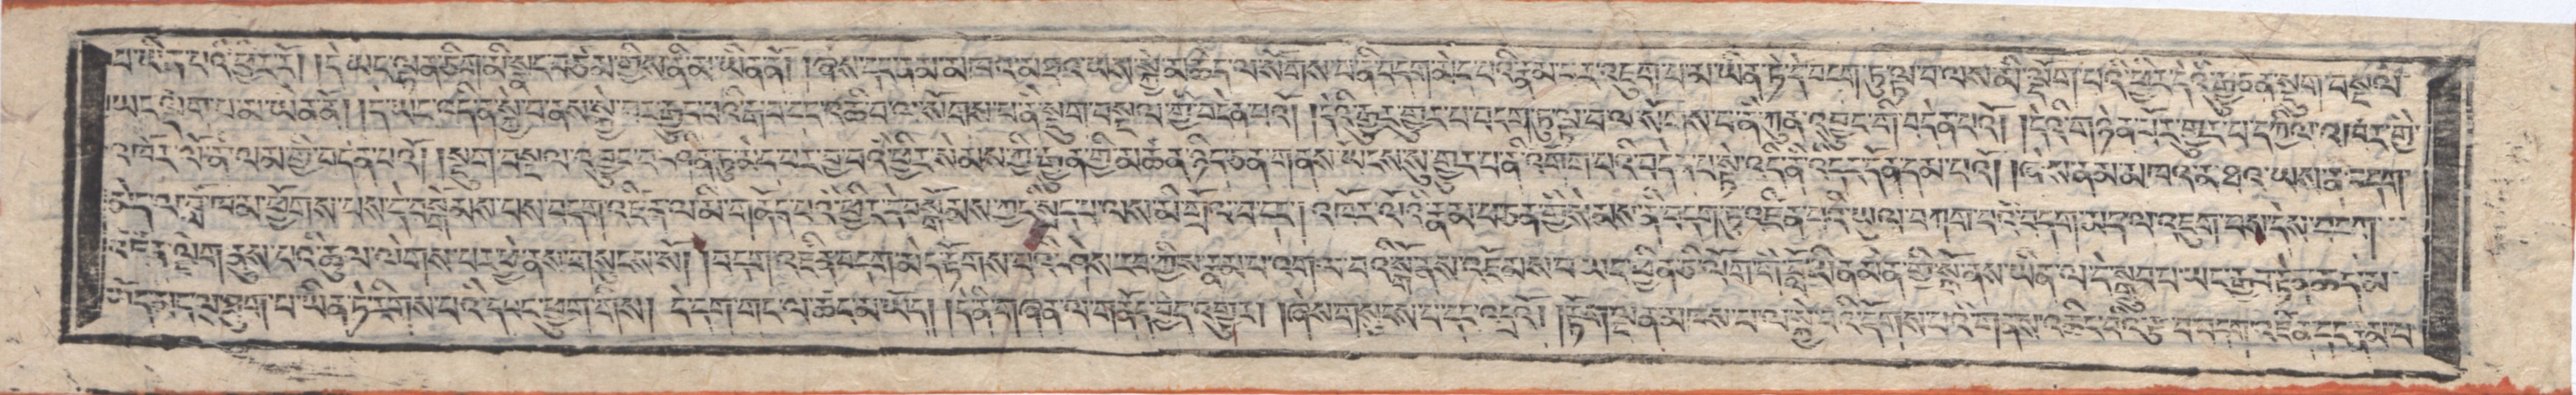པ་ཡིན་པའི་ཕྱིར་རོ། །དེ་ཡང་ལྷན་ཅིག་མི་སྣང་བ་ཙམ་གྱིས་ནི་མ་ཡིན་ནོ། །ཞེས་དང་ནམ་མཁའ་མཐའ་ཡས་སྐྱེ་མཆེད་ལ་སོགས་པ་ནི་བདག་མེད་པའི་རྣམ་པར་འཇུག་པ་མ་ཡིན་ཏེ་དེ་བདག་ཏུ་ལྟ་བ་ལས་མི་ལྡོག་པའི་ཕྱིར་དེའི་རྒྱུ་ཅན་སྡུག་བསྔལ་
ཡང་ལྡོག་པ་མ་ཡིན་ནོ། །དེ་ཡང་འདི་ན་སྐྱེ་བ་ནས་སྐྱེ་བར་རྒྱུད་པའི་རྒ་བ་དང་འཆི་བ་ལ་སོགས་པ་ནི་སྡུག་བསྔལ་གྱི་བདེན་པའོ། །དེའི་རྒྱུར་གྱུར་པ་བདག་ཏུ་ལྟ་བ་ལ་སོགས་པ་ནི་ཀུན་འབྱུང་གི་བདེན་པའོ། །དེའི་གཉེན་པོར་གྱུར་པ་དཀྱིལ་འཁོར་གྱི་
འཁོར་ལོ་ནི་ལམ་གྱི་བདེན་པའོ། །སྡུག་བསྔལ་འབྱུང་བ་ཤིན་ཏུ་མེད་པར་བྱ་བའི་ཕྱིར་སེམས་ཀྱི་རྒྱུན་གྱི་མཚན་ཉིད་ཅན་གནས་ཡོངས་སུ་གྱུར་པ་ནི་འགོག་པའི་བདེན་པ་སྟེ་འདི་ནི་འདིར་དོན་དམ་པའོ། །ཞེས་ནམ་མཁའ་མཐའ་ཡས་ནི་བདག་
མེད་ལ་བློ་ཁ་མ་ཕྱོགས་པས་དེ་བསྒོམས་པས་བདག་འཛིན་ལ་མི་གནོད་པའི་ཕྱིར་དེ་བསྒོམས་ཀྱང་སྲིད་པ་ལས་མི་གྲོལ་བ་དང་། འཁོར་ལོའི་རྣམ་པ་ཅན་གྱི་སེམས་ནི་བདག་ཏུ་འཛིན་པའི་ཡུལ་བཀག་པའི་བདག་མེད་ལ་འཇུག་པས་དེས་བདག་
འཛིན་ལྡོག་ནུས་པའི་ཚུལ་ལེགས་པར་ཕྱེ་ནས་གསུངས་སོ། །བདག་འཛིན་བདག་མེད་རྟོགས་པའི་ཤེས་རབ་ཀྱིས་རྣམ་པ་འགལ་བའི་སྒོ་ནས་འཇོམས་པ་ཡང་ཕྱིན་ཅི་ལོག་གི་བློ་ཡིན་མིན་གྱི་སྒོ་ནས་ཡིན་ལ་དེ་སྒྲུབ་པ་ཡང་རྒྱབ་རྟེན་ཚད་མ་
ཡོད་མེད་ལ་ཐུག་པ་ཡིན་ཏེ་རིགས་པའི་དབང་ཕྱུག་གིས། དེ་དག་གང་ལ་ཚད་མ་ཡོད། །དེ་ནི་གཞན་ལ་གནོད་བྱེད་འགྱུར། །ཞེས་གསུངས་པ་དང་འདྲའོ། །རྟོག་ལྡན་མཁས་པ་ལ་སྐྱེ་བའི་དོགས་པའི་གནས་འཆིང་བའི་རྩ་བ་བདག་འཛིན་དང་རྣམ་པ་